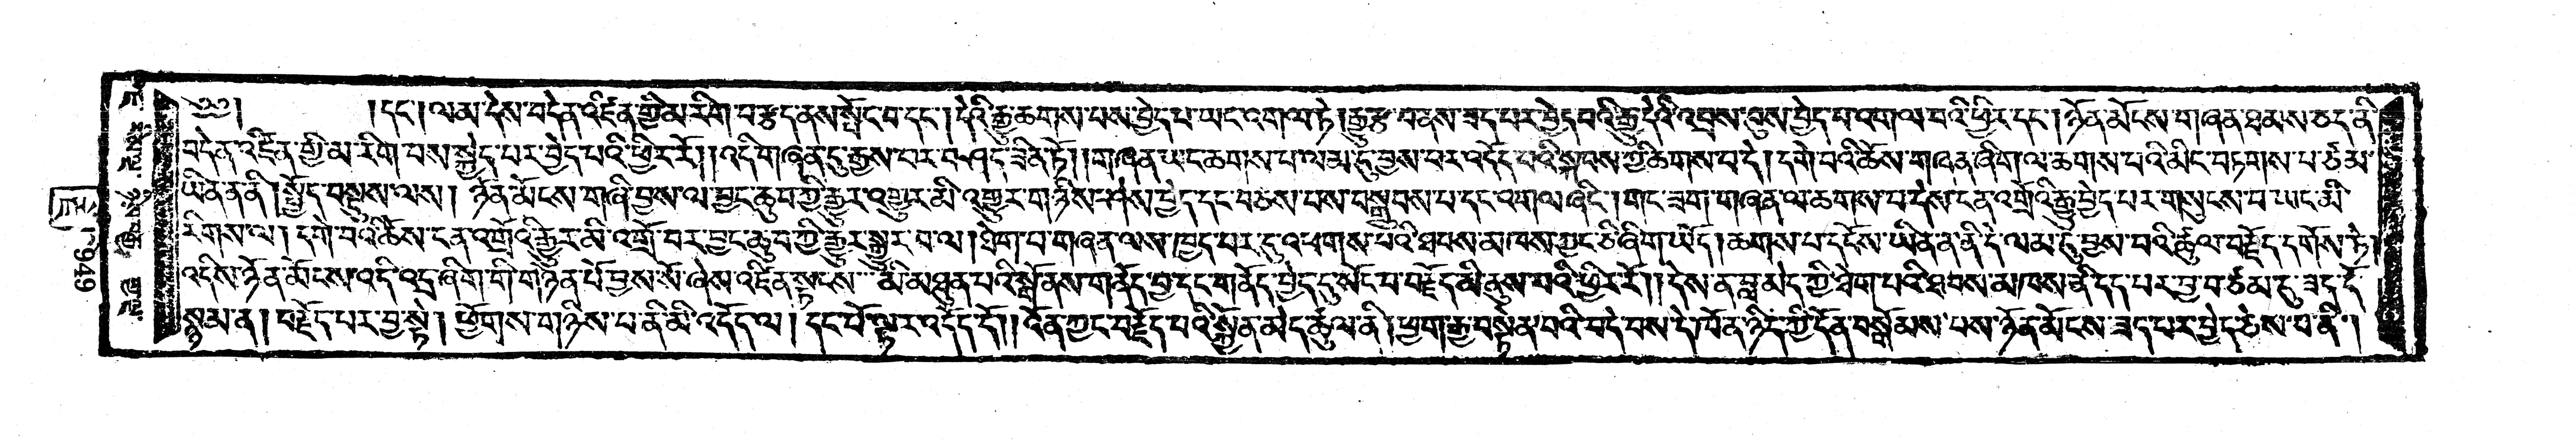༄༅། །དང་། ལམ་དེས་བདེན་འཛིན་གྱི་མ་རིག་པ་རྩད་ནས་སྤོང་བ་དང་། དེའི་རྒྱུ་ཆགས་པས་བྱེད་པ་ཡང་འགལ་ཏེ། རྒྱུ་རྩ་བ་ནས་ཟད་པར་བྱེད་པའི་རྒྱུ་དེའི་འབྲས་བུས་བྱེད་པ་འགལ་བའི་ཕྱིར་དང་། ཉོན་མོངས་གཞན་ཐམས་ཅད་ནི་
བདེན་འཛིན་གྱི་མ་རིག་བས་སྐྱེད་པར་བྱེད་པའི་ཕྱིར་རོ། །འདི་གཞན་དུ་རྒྱས་པར་བཤད་ཟིན་ཏོ། །གཞན་ཡང་ཆགས་པ་ལམ་དུ་བྱས་པར་འདོད་པའི་སྐབས་ཀྱི་ཆགས་པ་དེ། དགེ་བའི་ཆོས་གཞན་ཞིག་ལ་ཆགས་པའི་མིང་བཏགས་པ་ཙམ་
ཡིན་ན་ནི། སྤྱོད་བསྡུས་ལས། ཉོན་མོངས་གཞི་བྱས་ལ་བྱང་ཆུབ་ཀྱི་རྒྱུར་འགྱུར་མི་འགྱུར་གཉིས་ཤེས་བྱེད་དང་བཅས་པས་བསྒྲུབས་པ་དང་འགལ་ཞིང་། གང་ཟག་གཞན་ལ་ཆགས་པ་དེས་ངན་འགྲོའི་རྒྱུ་བྱེད་པར་གསུངས་པ་ཡང་མི་
རིགས་ལ། དགེ་བའི་ཆོས་ངན་འགྲོའི་རྒྱུར་མི་འགྲོ་བར་བྱང་ཆུབ་ཀྱི་རྒྱུར་སྒྱུར་བ་ལ། ཐེག་པ་གཞན་ལས་ཁྱད་བར་དུ་འཕགས་པའི་ཐབས་མཁས་ཀྱང་ཅི་ཞིག་ཡོད། ཆགས་པ་དངོས་ཡིན་ན་ནི་དེ་ལམ་དུ་བྱས་པའི་ཚུལ་བརྗོད་དགོས་ཏེ།
འདིས་ཉོན་མོངས་འདི་འདྲ་ཞིག་གི་གཉེན་པོ་བྱས་སོ་ཞེས་འཛིན་སྟངས་མི་མཐུན་པའི་སྒོ་ནས་གནོད་བྱ་དང་གནོད་བྱེད་དུ་སོང་བ་བརྗོད་མི་ནུས་པའི་ཕྱིར་རོ། །དེས་ན་བླ་མེད་ཀྱི་ཐེག་པའི་ཐབས་མཁས་ནི་དད་པར་བྱ་བ་ཙམ་དུ་ཟད་དོ་
སྙམ་ན། བརྗོད་པར་བྱ་སྟེ། ཕྱོགས་གཉིས་པ་ནི་མི་འདོད་ལ། དང་པོ་ལྟར་འདོད་དོ། །འོན་ཀྱང་བརྗོད་པའི་སྐྱོན་མེད་ཚུལ་ནི། ཕྱག་རྒྱ་བསྟེན་པའི་བདེ་བས་དེ་ཁོ་ན་ཉིད་ཀྱི་དོན་བསྒོམས་པས་ཉོན་མོངས་ཟད་པར་བྱེད་ཅེས་པ་ནི།